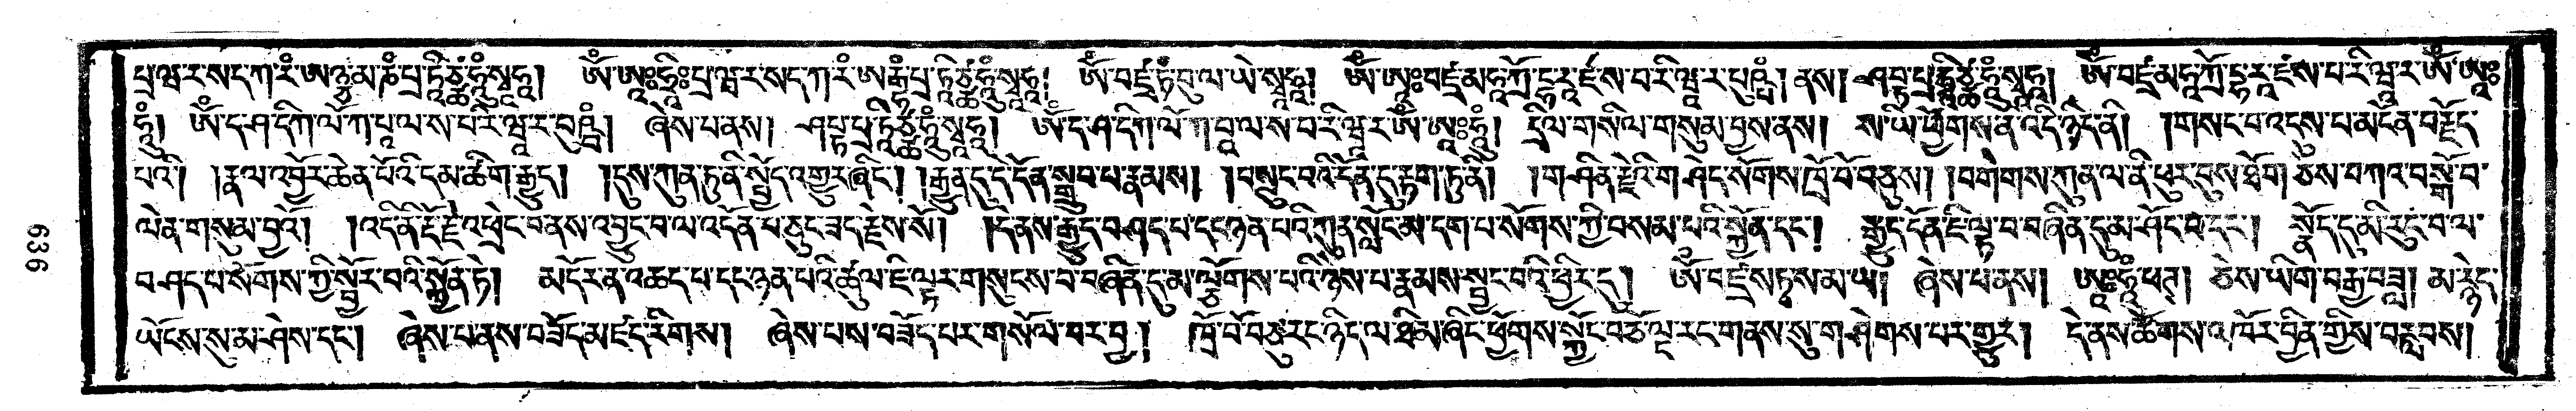པྲ་ཝ་ར་སད་ཀ་རཾ་ཨཉྕ་མ་ཎཾ་པྲ་ཏཱིཙྪ་ཧཱུཾ་སྭཱ་ཧཱ། ཨོཾ་ཨཱཿ ཧྲིའིཿ པྲ་ཝ་ར་སད་ཀ་རཾ་ཨརྒྷཾ་པྲ་ཏཱིཙྪ་ཧཱུཾ་སྭཱཧཱ། ཨོཾ་བཛྲ་ཏཾ་བུ་ལ་ཡེ་སྭཱཧཱ། ཨོཾ་ཨཱཿ བཛྲ་མཧཱ་ཀྲོ་དྷ་རཱ་ཛ་ས་བ་རི་ཝཱ་ར་པུཥྤཾ། ནས། ཤབཏ་པྲདྷཱིཙྪ་ཧཱུཾ་སྭཱཧཱ། ཨོཾ་བཛྲ་མྷཱ་ཀྲོ་དྷ་རཱ་ཛས་པ་རི་ཝཱ་ར་ཨོཾ་ཨཱཿ
ཧཱུཾ། ཨོཾ་ད་ཤ་དིཀ་ལོ་ཀ་པཱ་ལ་ས་པ་རི་ཝཱ་ར་བུཥྦཾ། ཞེས་པ་ནས། ཤྤཏ་པྲ་ཏཱིཙྪ་ཧཱུཾ་སྭཱཧཱ། ཨོཾ་ད་ཤ་ཀིཀ་ལོ་ཀ་བཱ་ལ་ས་བ་རི་ཝཱ་ར་ཨོཾ་ཨཱཿ ཧཱུཾ། དྲིལ་གསིལ་གསུམ་བྱས་ནས། ས་ཡི་ཕྱོགས་ནོ་འདི་ཉིད་ནི། །གསང་བ་འདུས་པས་མངོན་བརྗོད་
པའི། །རྣལ་འབྱོར་ཆེན་པོའི་དམ་ཚིག་རྒྱུད། །དུས་ཀུན་ཏུ་ནི་སྤྱོད་འགྱུར་ཞིང་། །རྒྱུན་དུ་དེ་དོན་སྒྲུབ་པ་རྣམས། །བསྲུང་བའི་དོན་དུ་རྟག་ཏུ་ནི། །གཤིན་རྗེའི་གཤེད་སོགས་ཁྲོ་བོ་བཅུས། །བགེགས་ཀུན་ལ་ནི་ཕུར་བུས་ཐོག་ཅེས་བཀའ་བསྒོ་བ་
ལེན་གསུམ་བྱའོ། །འདི་ནི་རྡོ་རྗེ་འཕྲེང་བ་ནས་འབྱུང་བ་ལ་འདོན་པ་ཅུང་ཟད་རྗེས་སོ། །དེ་ནས་རྒྱུད་བཤད་པ་དང་ཉེན་པའི་ཀུན་སློང་པ་དག་པ་སོགས་ཀྱི་བསམ་པའི་སྐྱོན་དང་། རྒྱུད་དོན་ཇི་ལྟ་བ་བཞིན་དུ་མྴོང་བ་དང་། སྣོད་དུ་མི་རུང་བ་ལ་
བཤད་པ་སོགས་ཀྱི་སྦྱོར་བའི་སྐྱོན་ཏེ། མདོར་ན་འཆད་པ་དང་ཉན་པའི་ཚུལ་ཇི་ལྟར་གསུངས་བ་བཞིན་དུ་མ་ལྕོགས་པའི་ཉེས་པ་རྣམས་སྦྱང་བའི་ཕྱིར་དུ། ཨོཾ་བཛྲ་སཏྭ་ས་མ་ཡ། ཞེས་པ་ནས། ཨཱཿ ཧཱུཾ་ཕཊ། ཅེས་ཡིག་བརྒྱ་བཟླ། མ་རྙེད་
ཡོངས་སུ་མ་ཤེས་དང་། ཞེས་པ་ནས་བཟོད་མཛད་རིགས། ཞེས་པས་བཟོད་པར་གསོལ་བར་བྱ། ཁྲོ་བོ་བཅུ་རང་ཉིད་ལ་ཐིམ་ཞིང་ཕྱོགས་སྐྱོང་བཅོ་ལྔ་རང་གནས་སུ་གཤེགས་པར་གྱུར། དེ་ནས་ཚོགས་འཁོར་བྱིན་གྱིས་བརླབས།